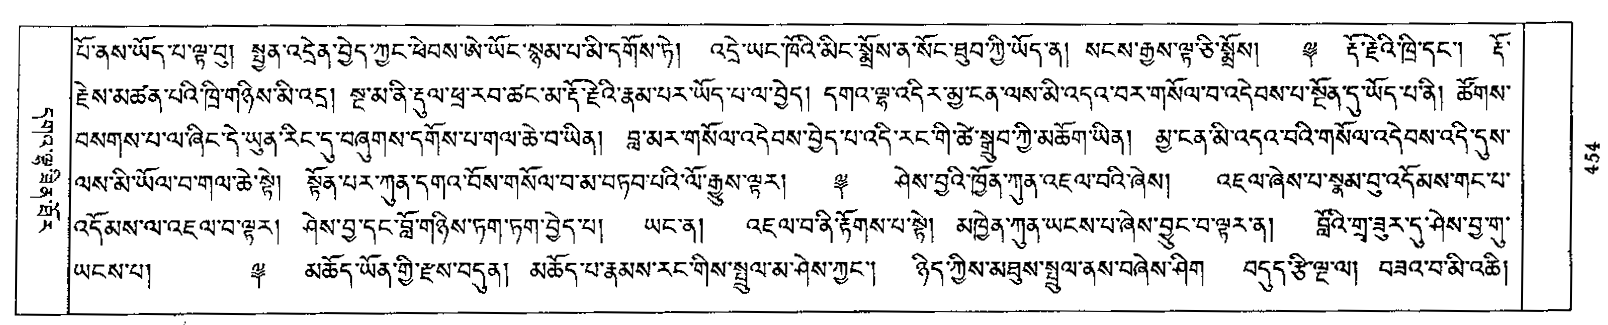པོ་ནས་ཡོད་པ་ལྟ་བུ། སྤྱན་འདྲེན་བྱེད་ཀྱང་ཕེབས་ཨེ་ཡོང་སྙམ་པ་མི་དགོས་ཏེ། འདྲེ་ཡང་ཁོའི་མིང་སྨྲོས་ན་སོང་ཐུབ་ཀྱི་ཡོད་ན། སངས་རྒྱས་ལྟ་ཅི་སྨྲོས། ༈ རྡོ་རྗེའི་ཁྲི་དང་། རྡོ་
རྗེས་མཚན་པའི་ཁྲི་གཉིས་མི་འདྲ། སྔ་མ་ནི་རྡུལ་ཕྲ་རབ་ཚང་མ་རྡོ་རྗེའི་རྣམ་པར་ཡོད་པ་ལ་བྱེད། དགའ་ལྷ་འདིར་མྱ་ངན་ལས་མི་འདའ་བར་གསོལ་བ་འདེབས་པ་སྔོན་དུ་ཡོད་པ་ནི། ཚོགས་
བསགས་པ་ལ་ཞིང་དེ་ཡུན་རིང་དུ་བཞུགས་དགོས་པ་གལ་ཆེ་བ་ཡིན། བླ་མར་གསོལ་འདེབས་བྱེད་པ་འདི་རང་གི་ཚེ་སྒྲུབ་ཀྱི་མཆོག་ཡིན། མྱ་ངན་མི་འདའ་བའི་གསོལ་འདེབས་འདི་དུས་
ལས་མི་ཡོལ་བ་གལ་ཆེ་སྟེ། སྟོན་པར་ཀུན་དགའ་བོས་གསོལ་བ་མ་བཏབ་པའི་ལོ་རྒྱུས་ལྟར། ༈ ཤེས་བྱའི་ཁྱོན་ཀུན་འཇལ་བའི་ཞེས། འཇལ་ཞེས་པ་སྣམ་བུ་འདོམས་གང་པ་
འདོམས་ལ་འཇལ་བ་ལྟར། ཤེས་བྱ་དང་བློ་གཉིས་ཏག་ཏག་བྱེད་པ། ཡང་ན། འཇལ་བ་ནི་རྟོགས་པ་སྟེ། མཁྱེན་ཀུན་ཡངས་པ་ཞེས་བྱུང་བ་ལྟར་ན། བློའི་གྲྭ་ཟུར་དུ་ཤེས་བྱ་གུ་
ཡངས་པ། ༈ མཆོད་ཡོན་གྱི་རྫས་བདུན། མཆོད་པ་རྣམས་རང་གིས་སྤྲུལ་མ་ཤེས་ཀྱང་། ཉིད་ཀྱིས་མཐུས་སྤྲུལ་ནས་བཞེས་ཤིག་བདུད་རྩི་ལྔ་ལ། བཟའ་བ་མི་འཆི།